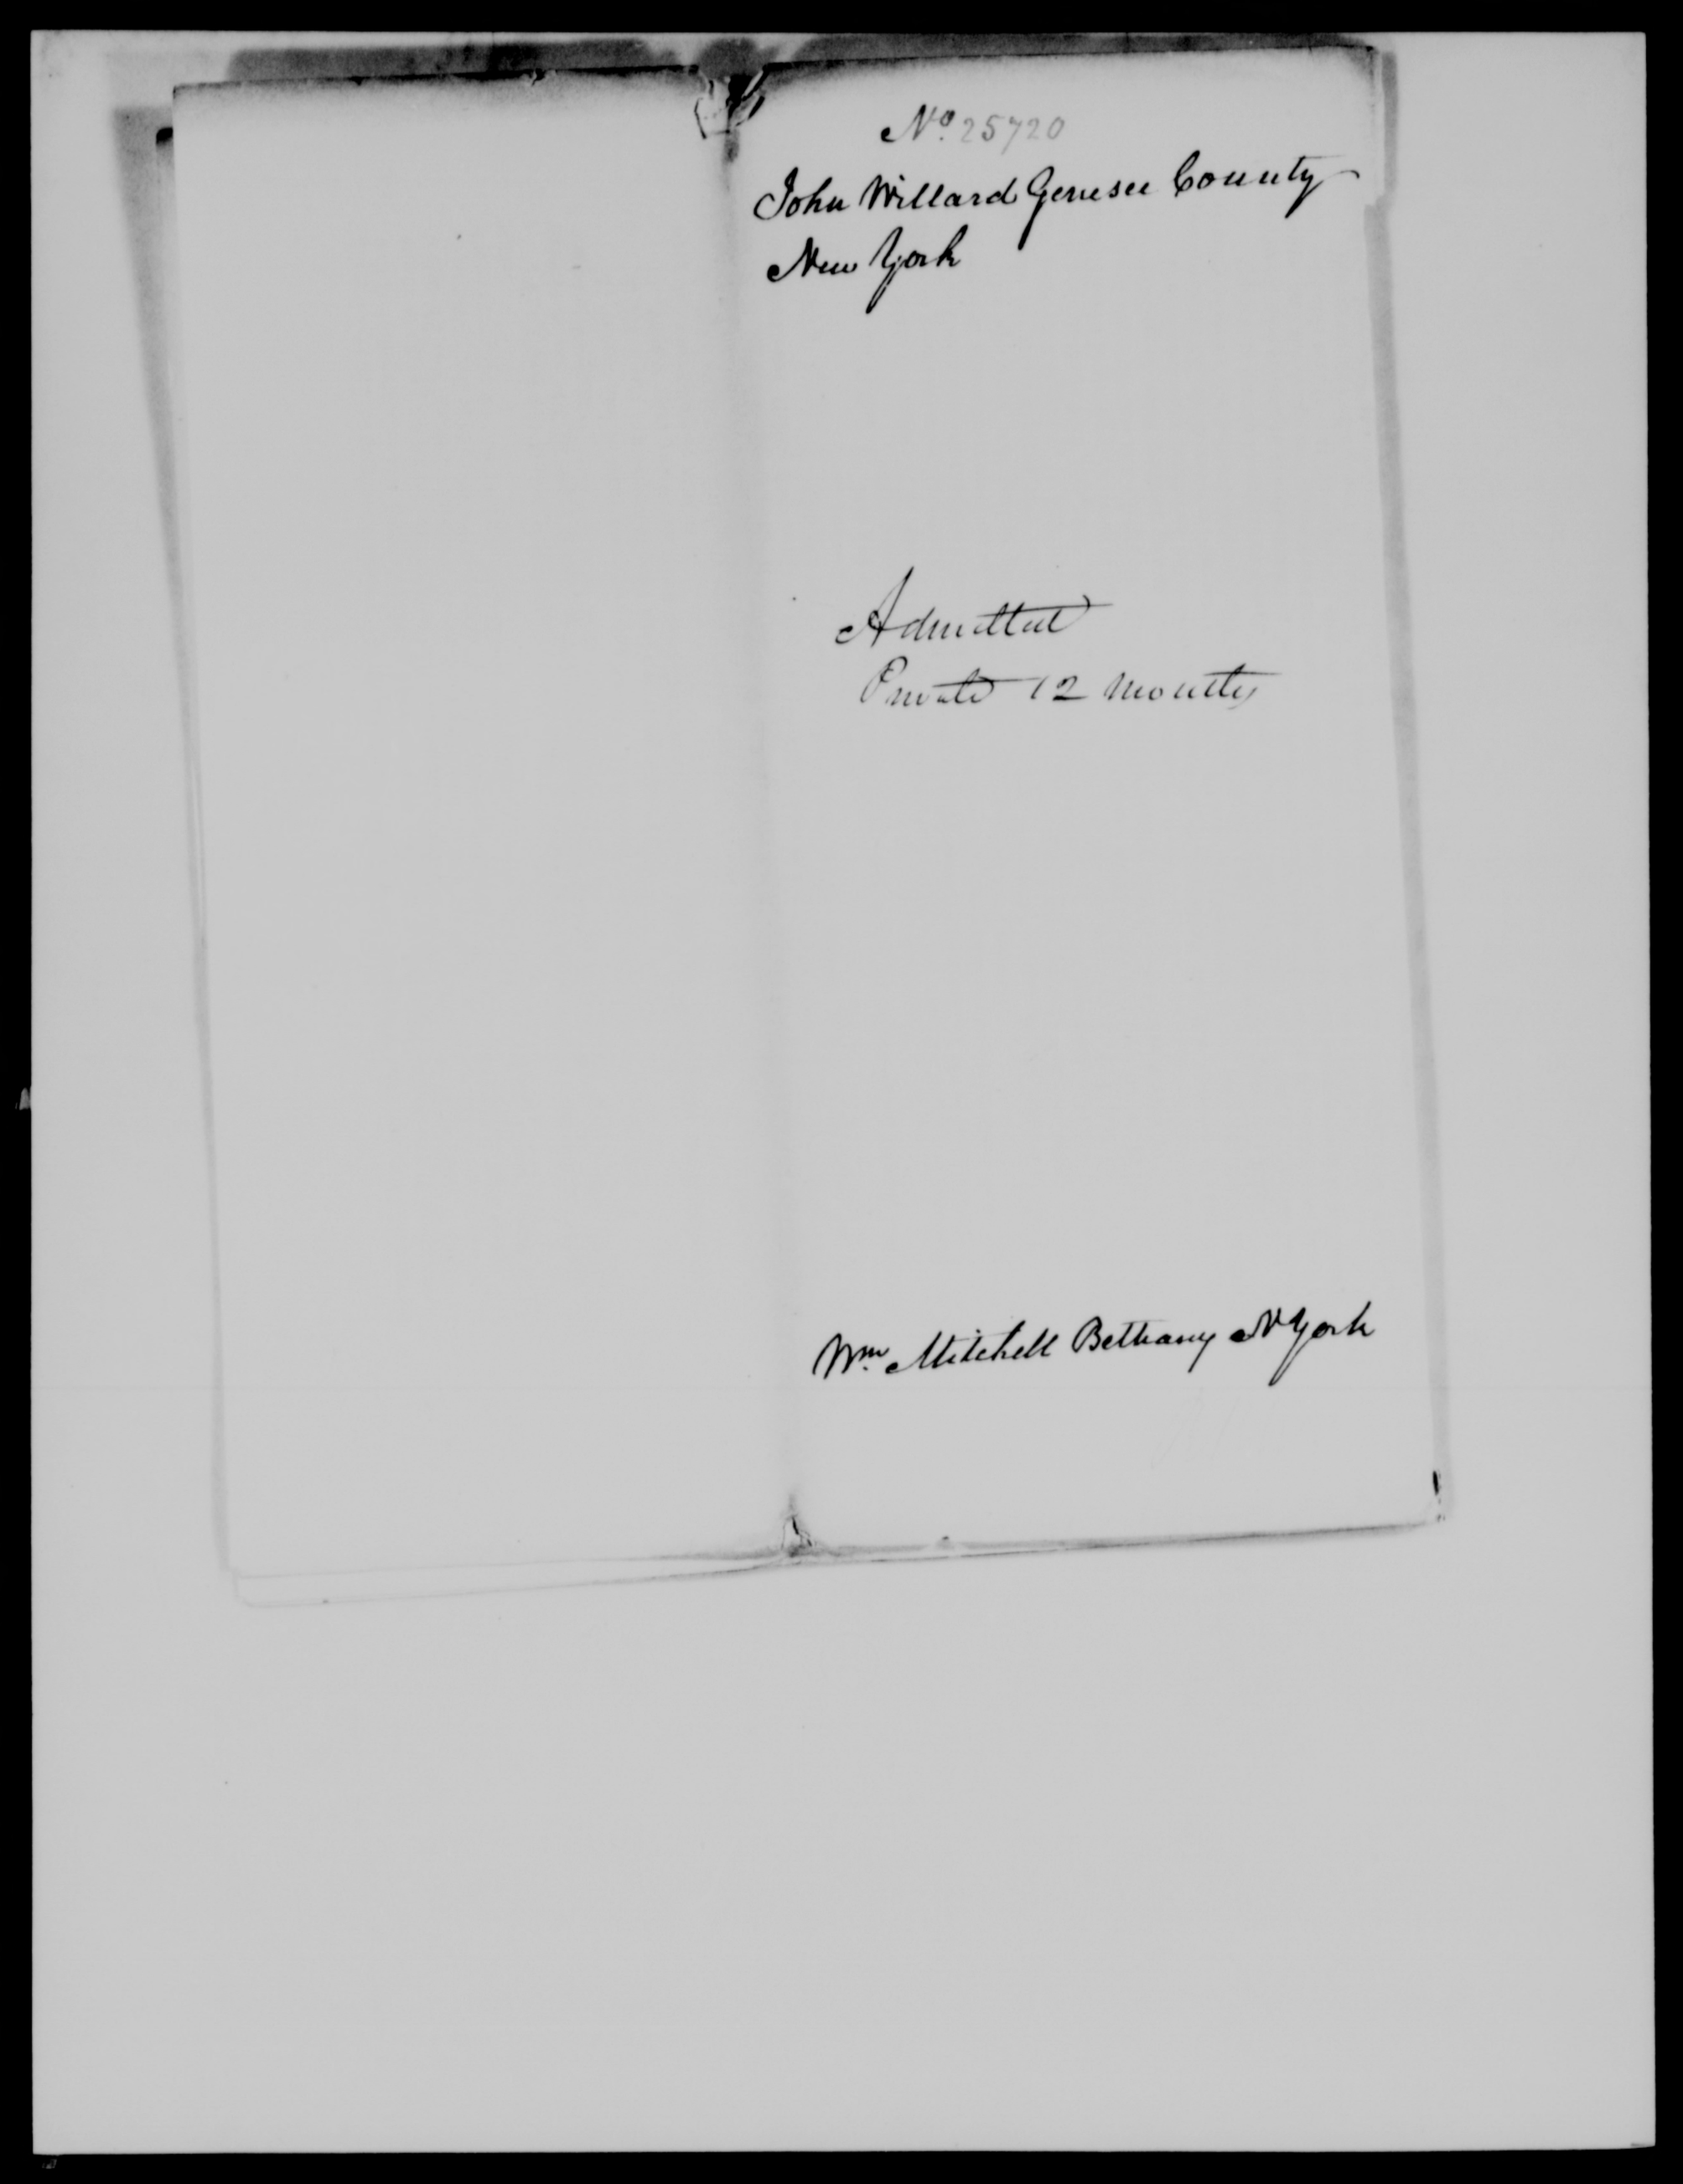No. 25720
John Willard Genesee County New York

Admitted Private 12 Months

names: Wm Mitchell, John Willard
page: 3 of 18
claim: survivor's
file: S. 11848, John Willard, N. H.